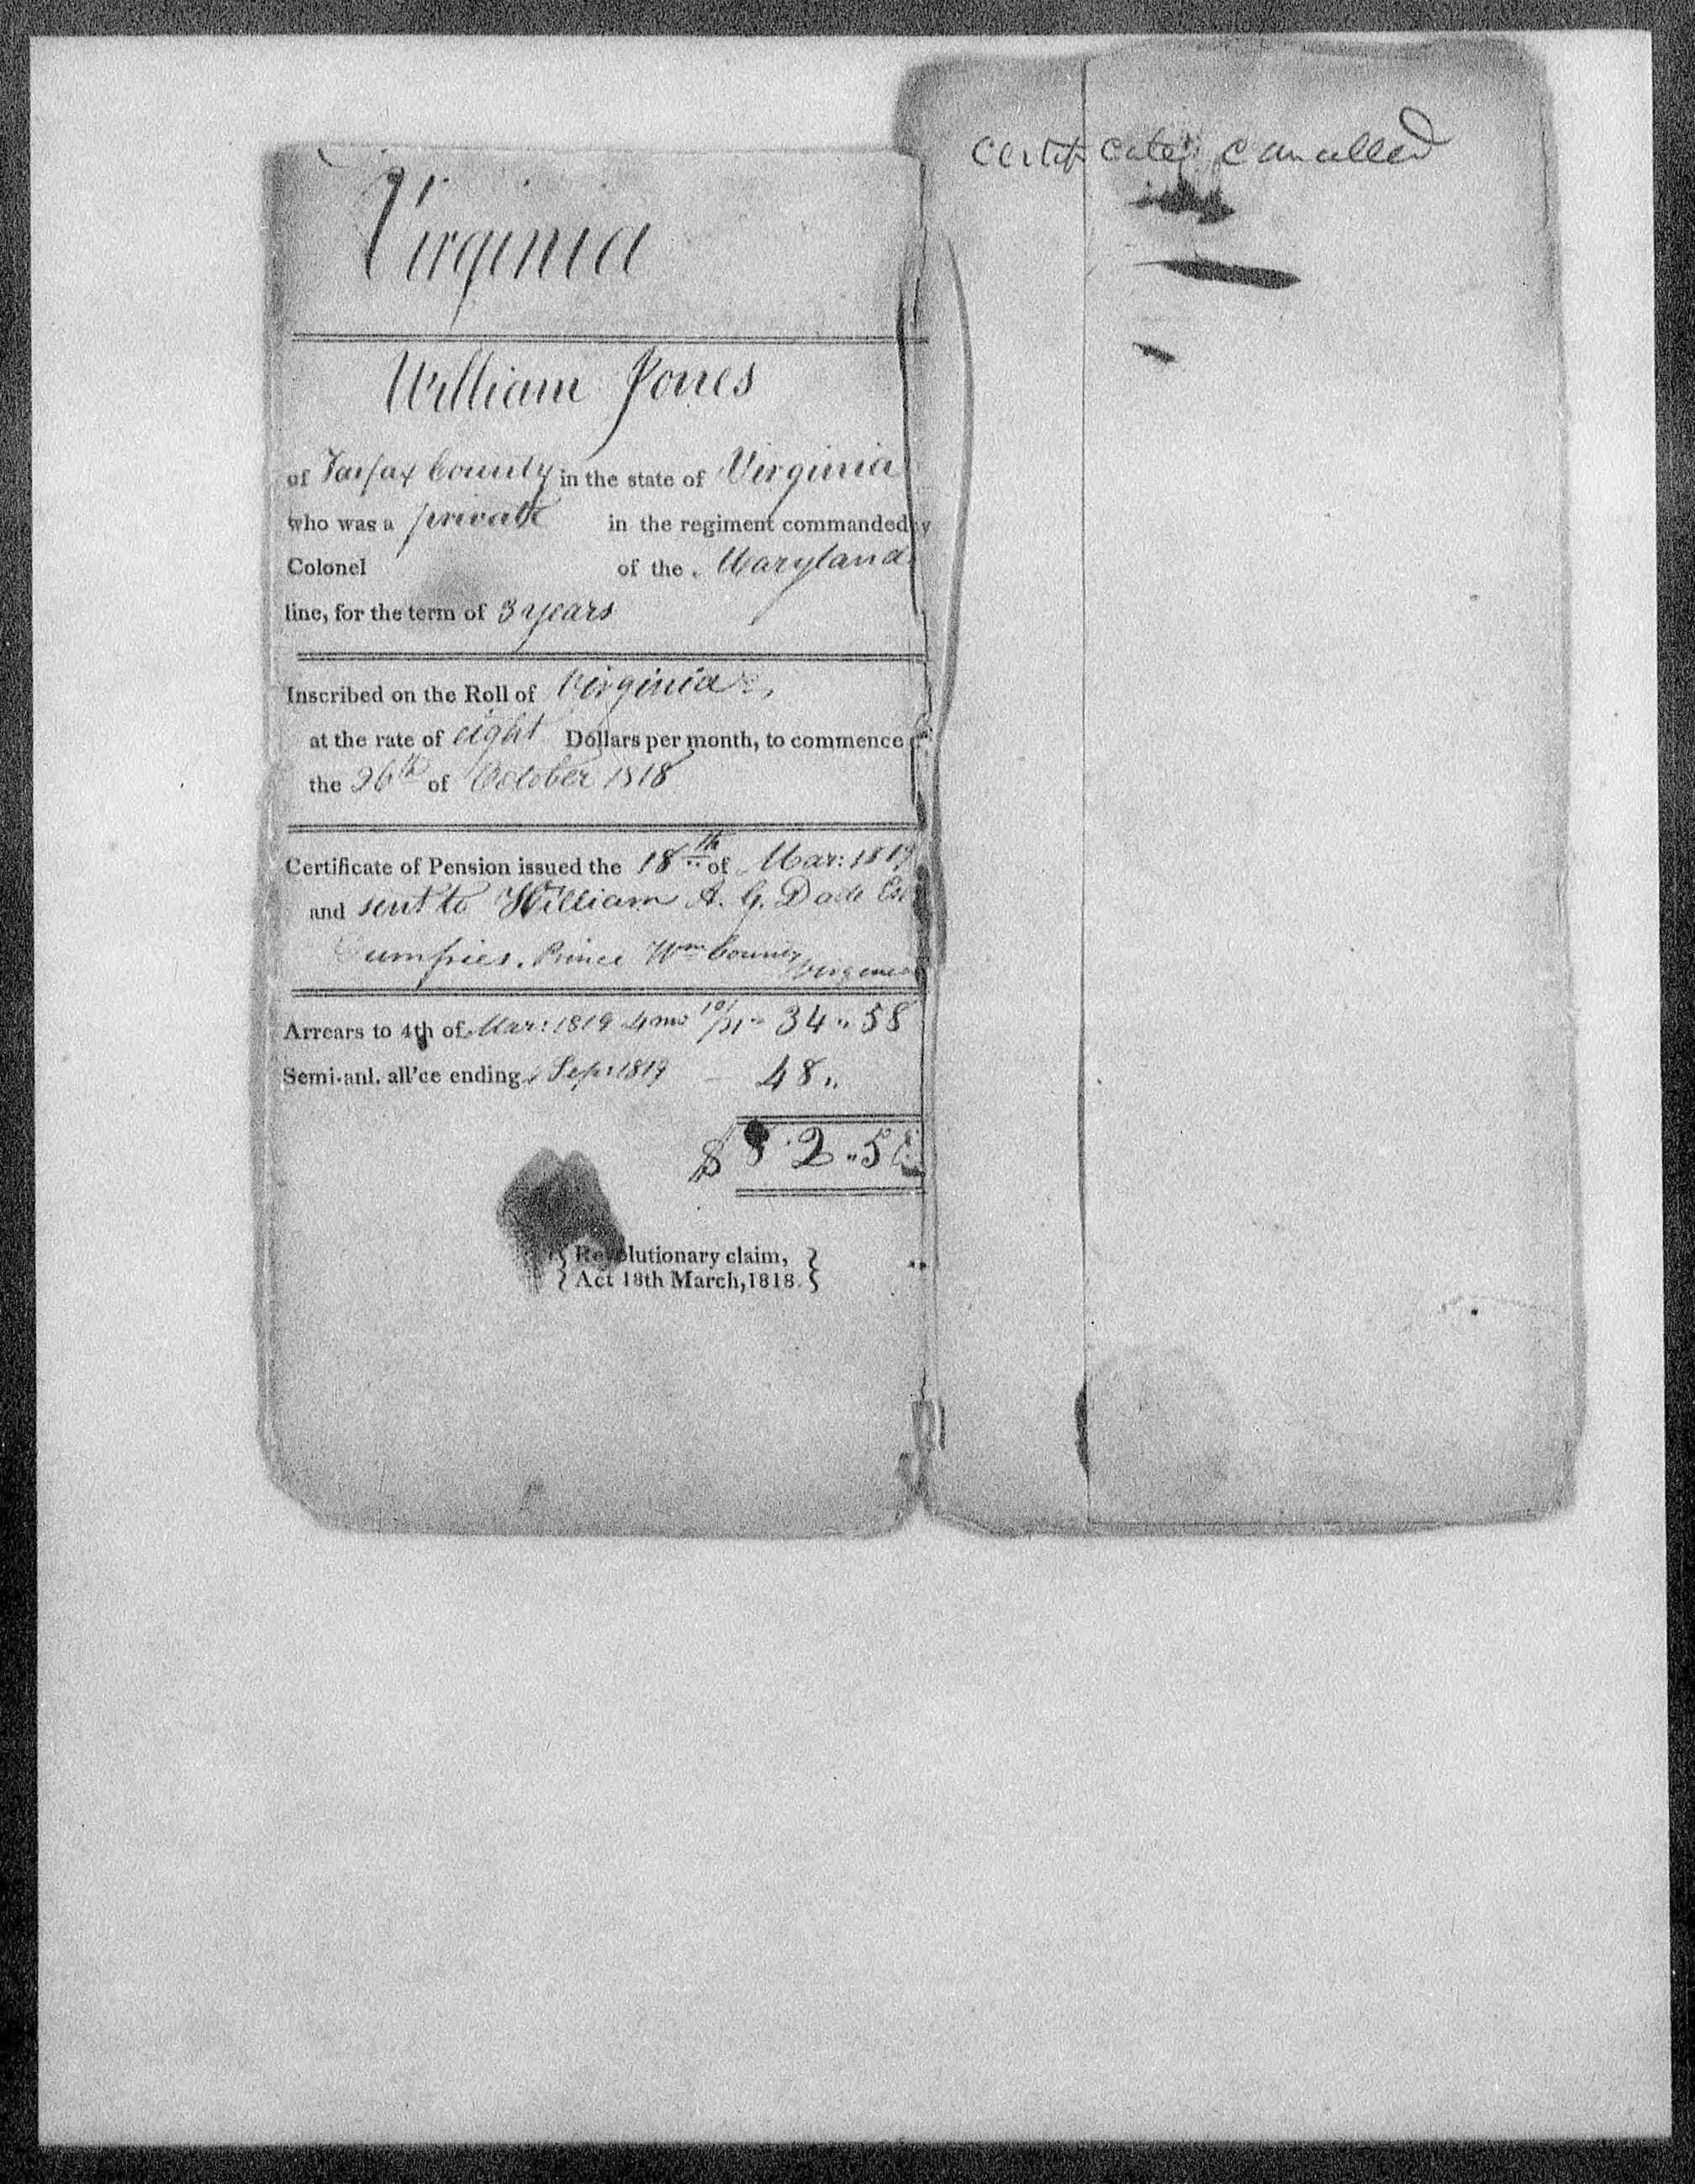Virginia

William Jones
at Fairfax County in the state of Virginia who was a private in the regiment commanded by Colonel [blank] of the Maryland line, for the term of 3 years

Inscribed on the Roll of Virginia at the rate of eight Dollars per month, to commence the 26th of October 1818

Certificate of Pension issued the 18th of Mar: 1819 and sent to William A.G. Dade Esq Dumphries, Prince Wm. County Virginia

Arrears to 4th of Mar: 1819 4 mo 10/2..34..58
Semi-anl. all's ending 4 Sep: 1819          48..
                                                                    $82.58

[Revolutionary claim, Act 18th March, 1818.}

[right side of page}
certificate cancelled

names: Wm Prince; William Jones; William A G Dade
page: 27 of 39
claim: widow's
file: W 6292, for William Jones, Maryland